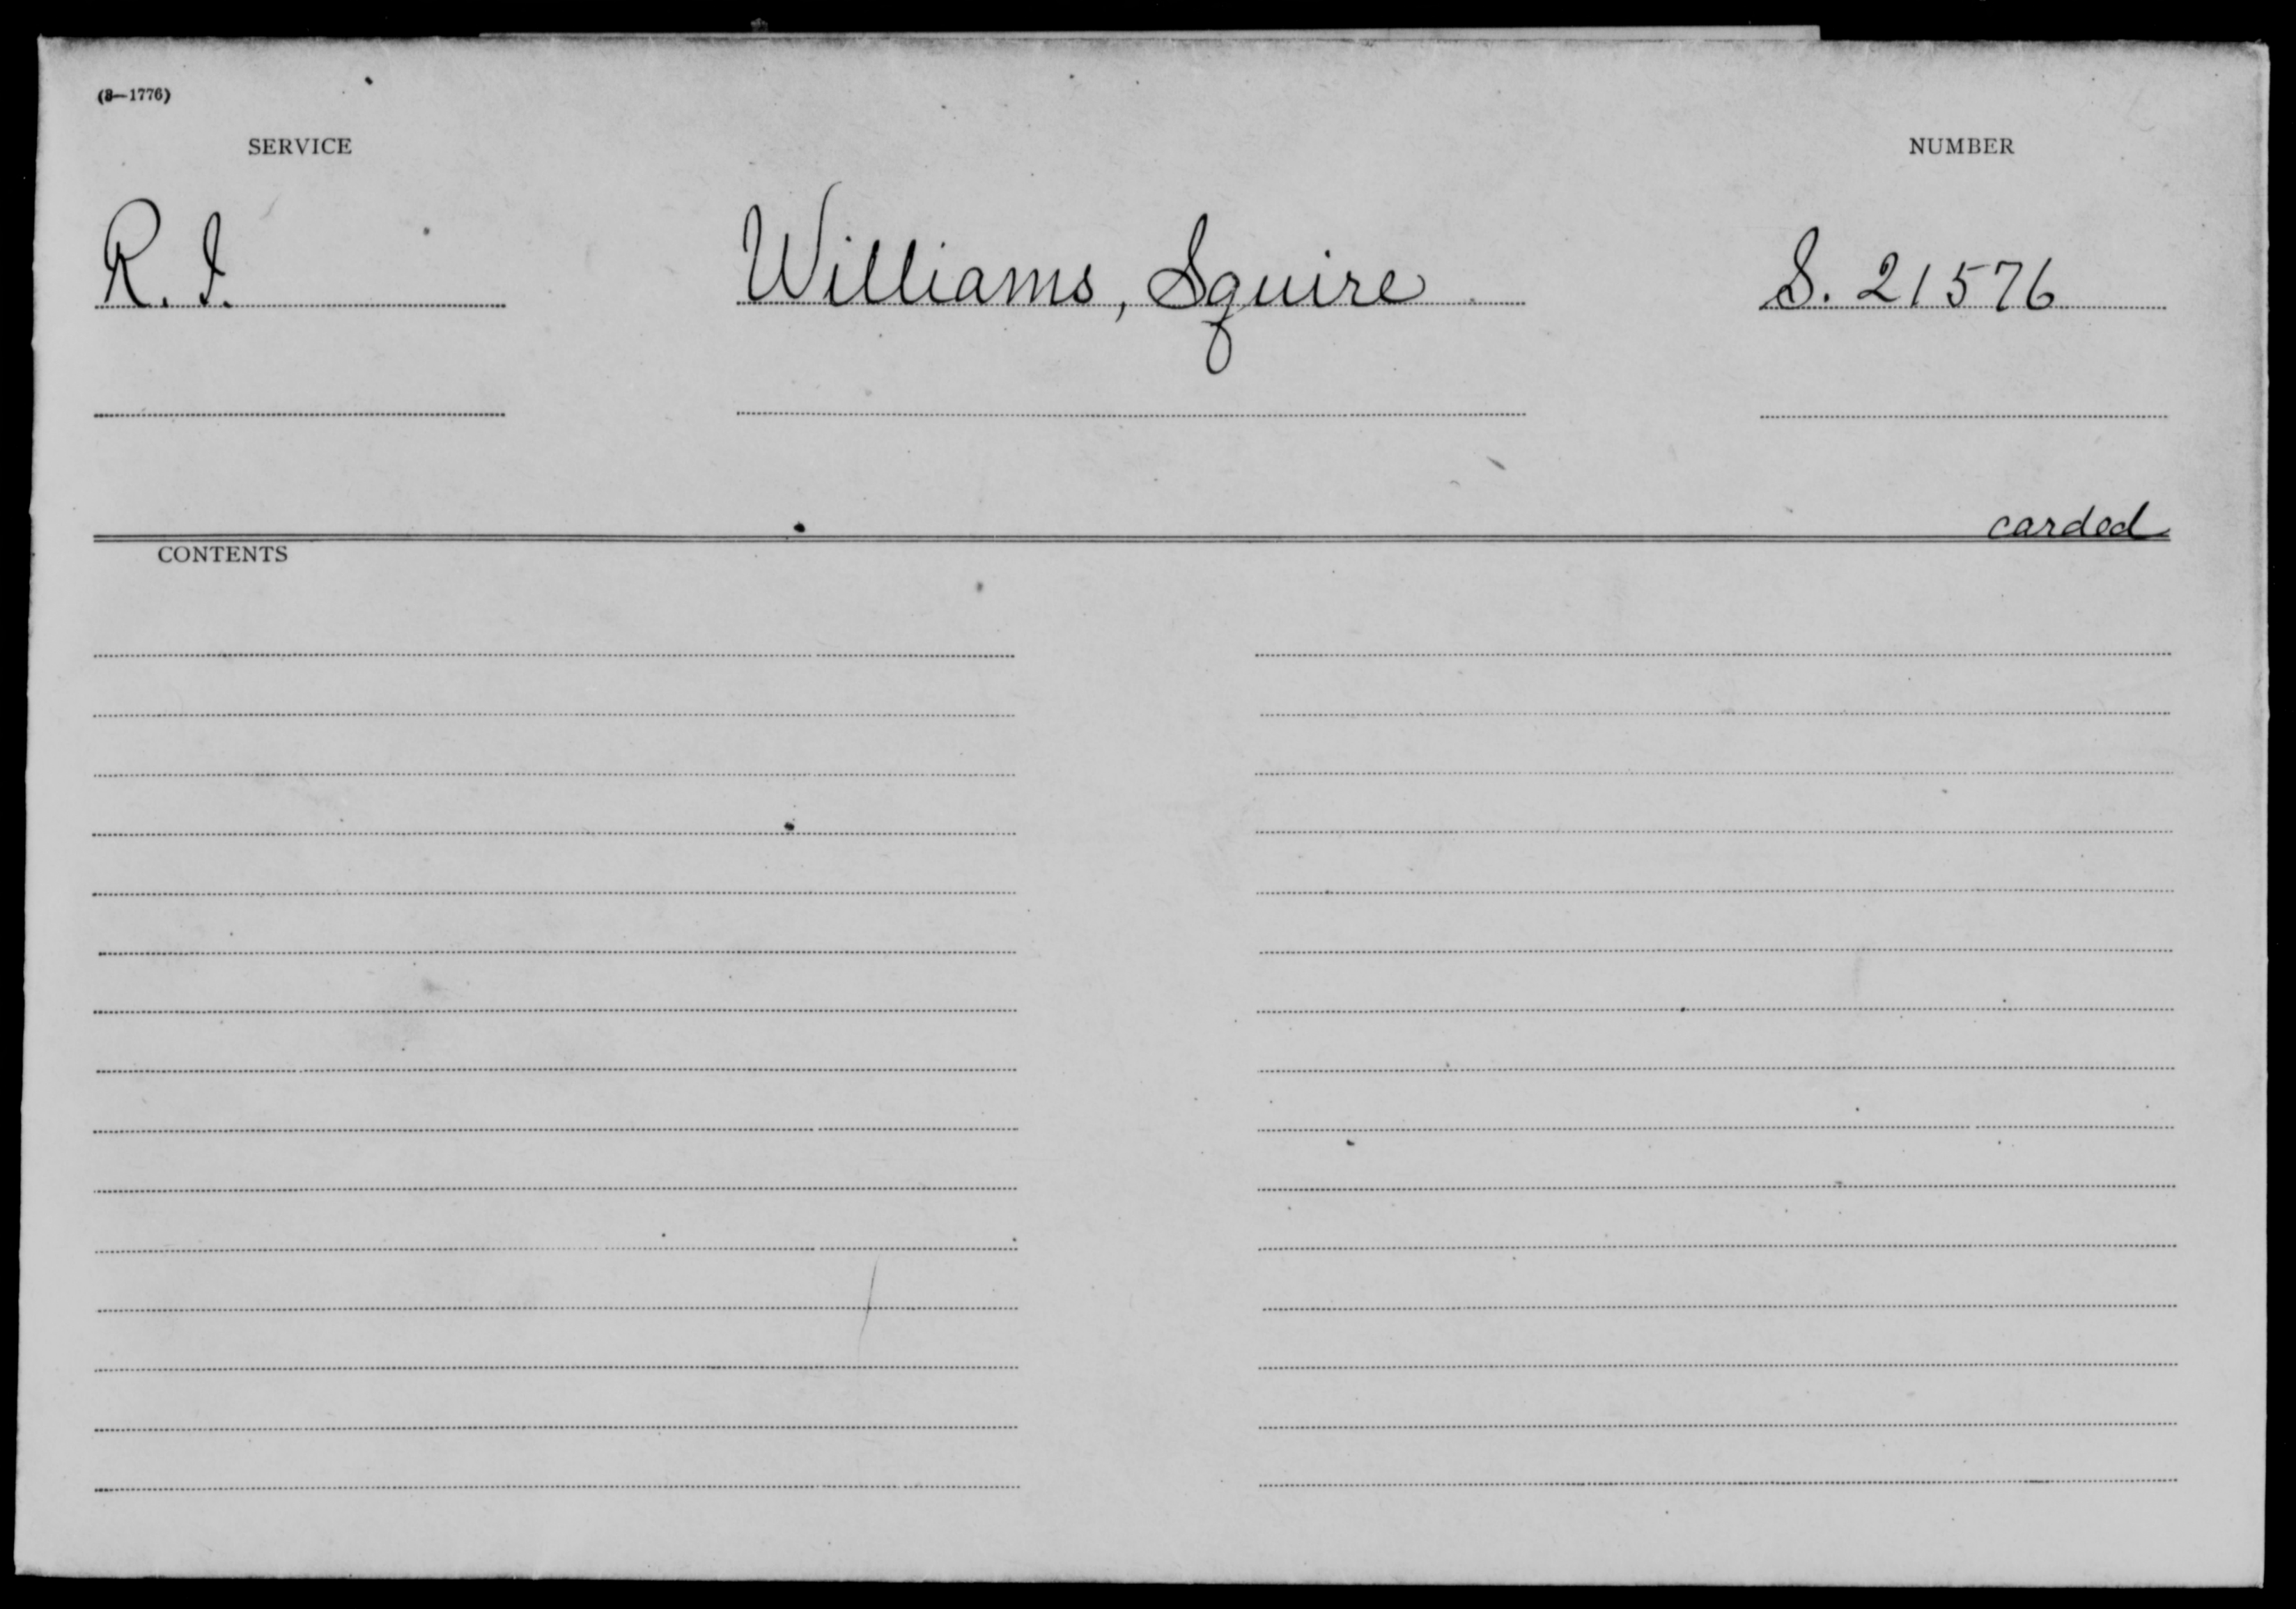R. I.      Williams, Squire       S. 21576
                                             carded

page: 1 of 23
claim: survivor's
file: S. 21576, Squire Williams, R. I.